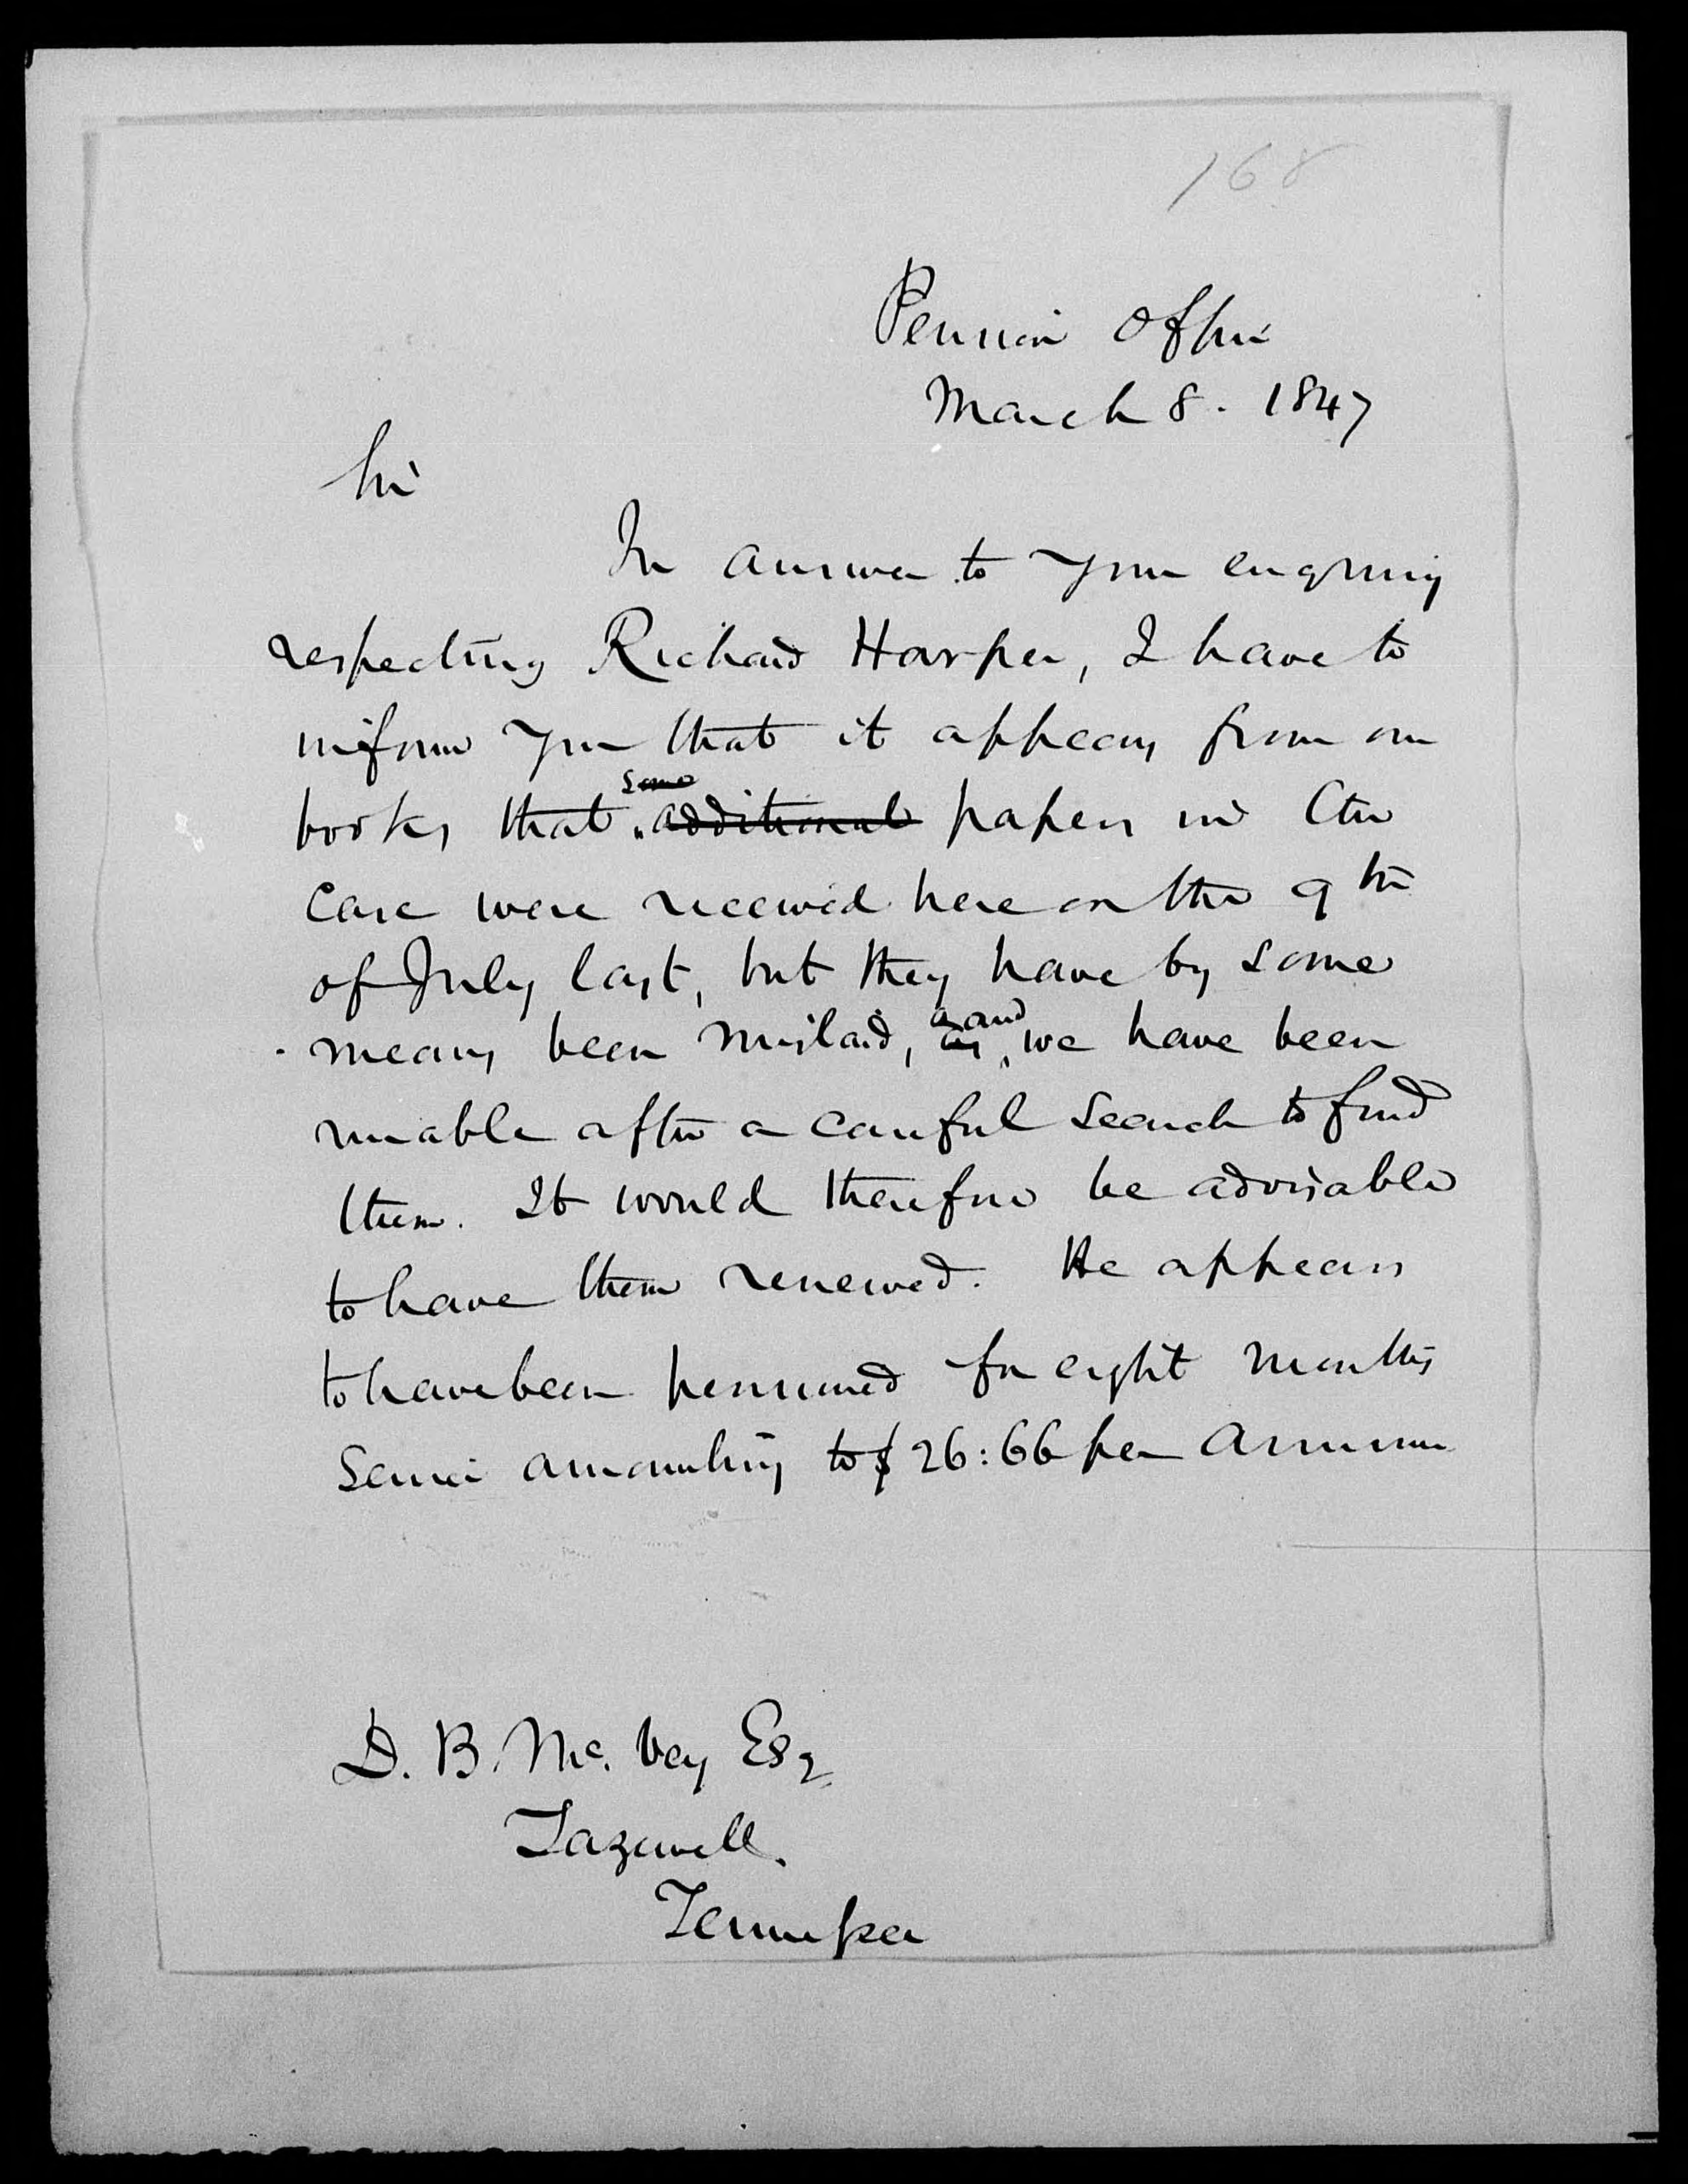168

Pension Office
March 8, 1849

Sir,
In answer to your enquiry respecting Richard Harper, I have to inform you that it appears from our books that [some additional - CROSSED OUT] papers in our care were received here on the 9th of July last, but they have by some means been mislaid and as we have been unable after a careful search to find them. It would therefore be advisable to have them renewed. He appears to have been tenured for eight months service amounting to $26:66 per annum.

D.B. McVey Esq
Tazewell,
Tennessee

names: Richard Harper, D B Mc Vay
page: 26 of 81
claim: survivor's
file: S. 1908, Richard Harper, N.C.